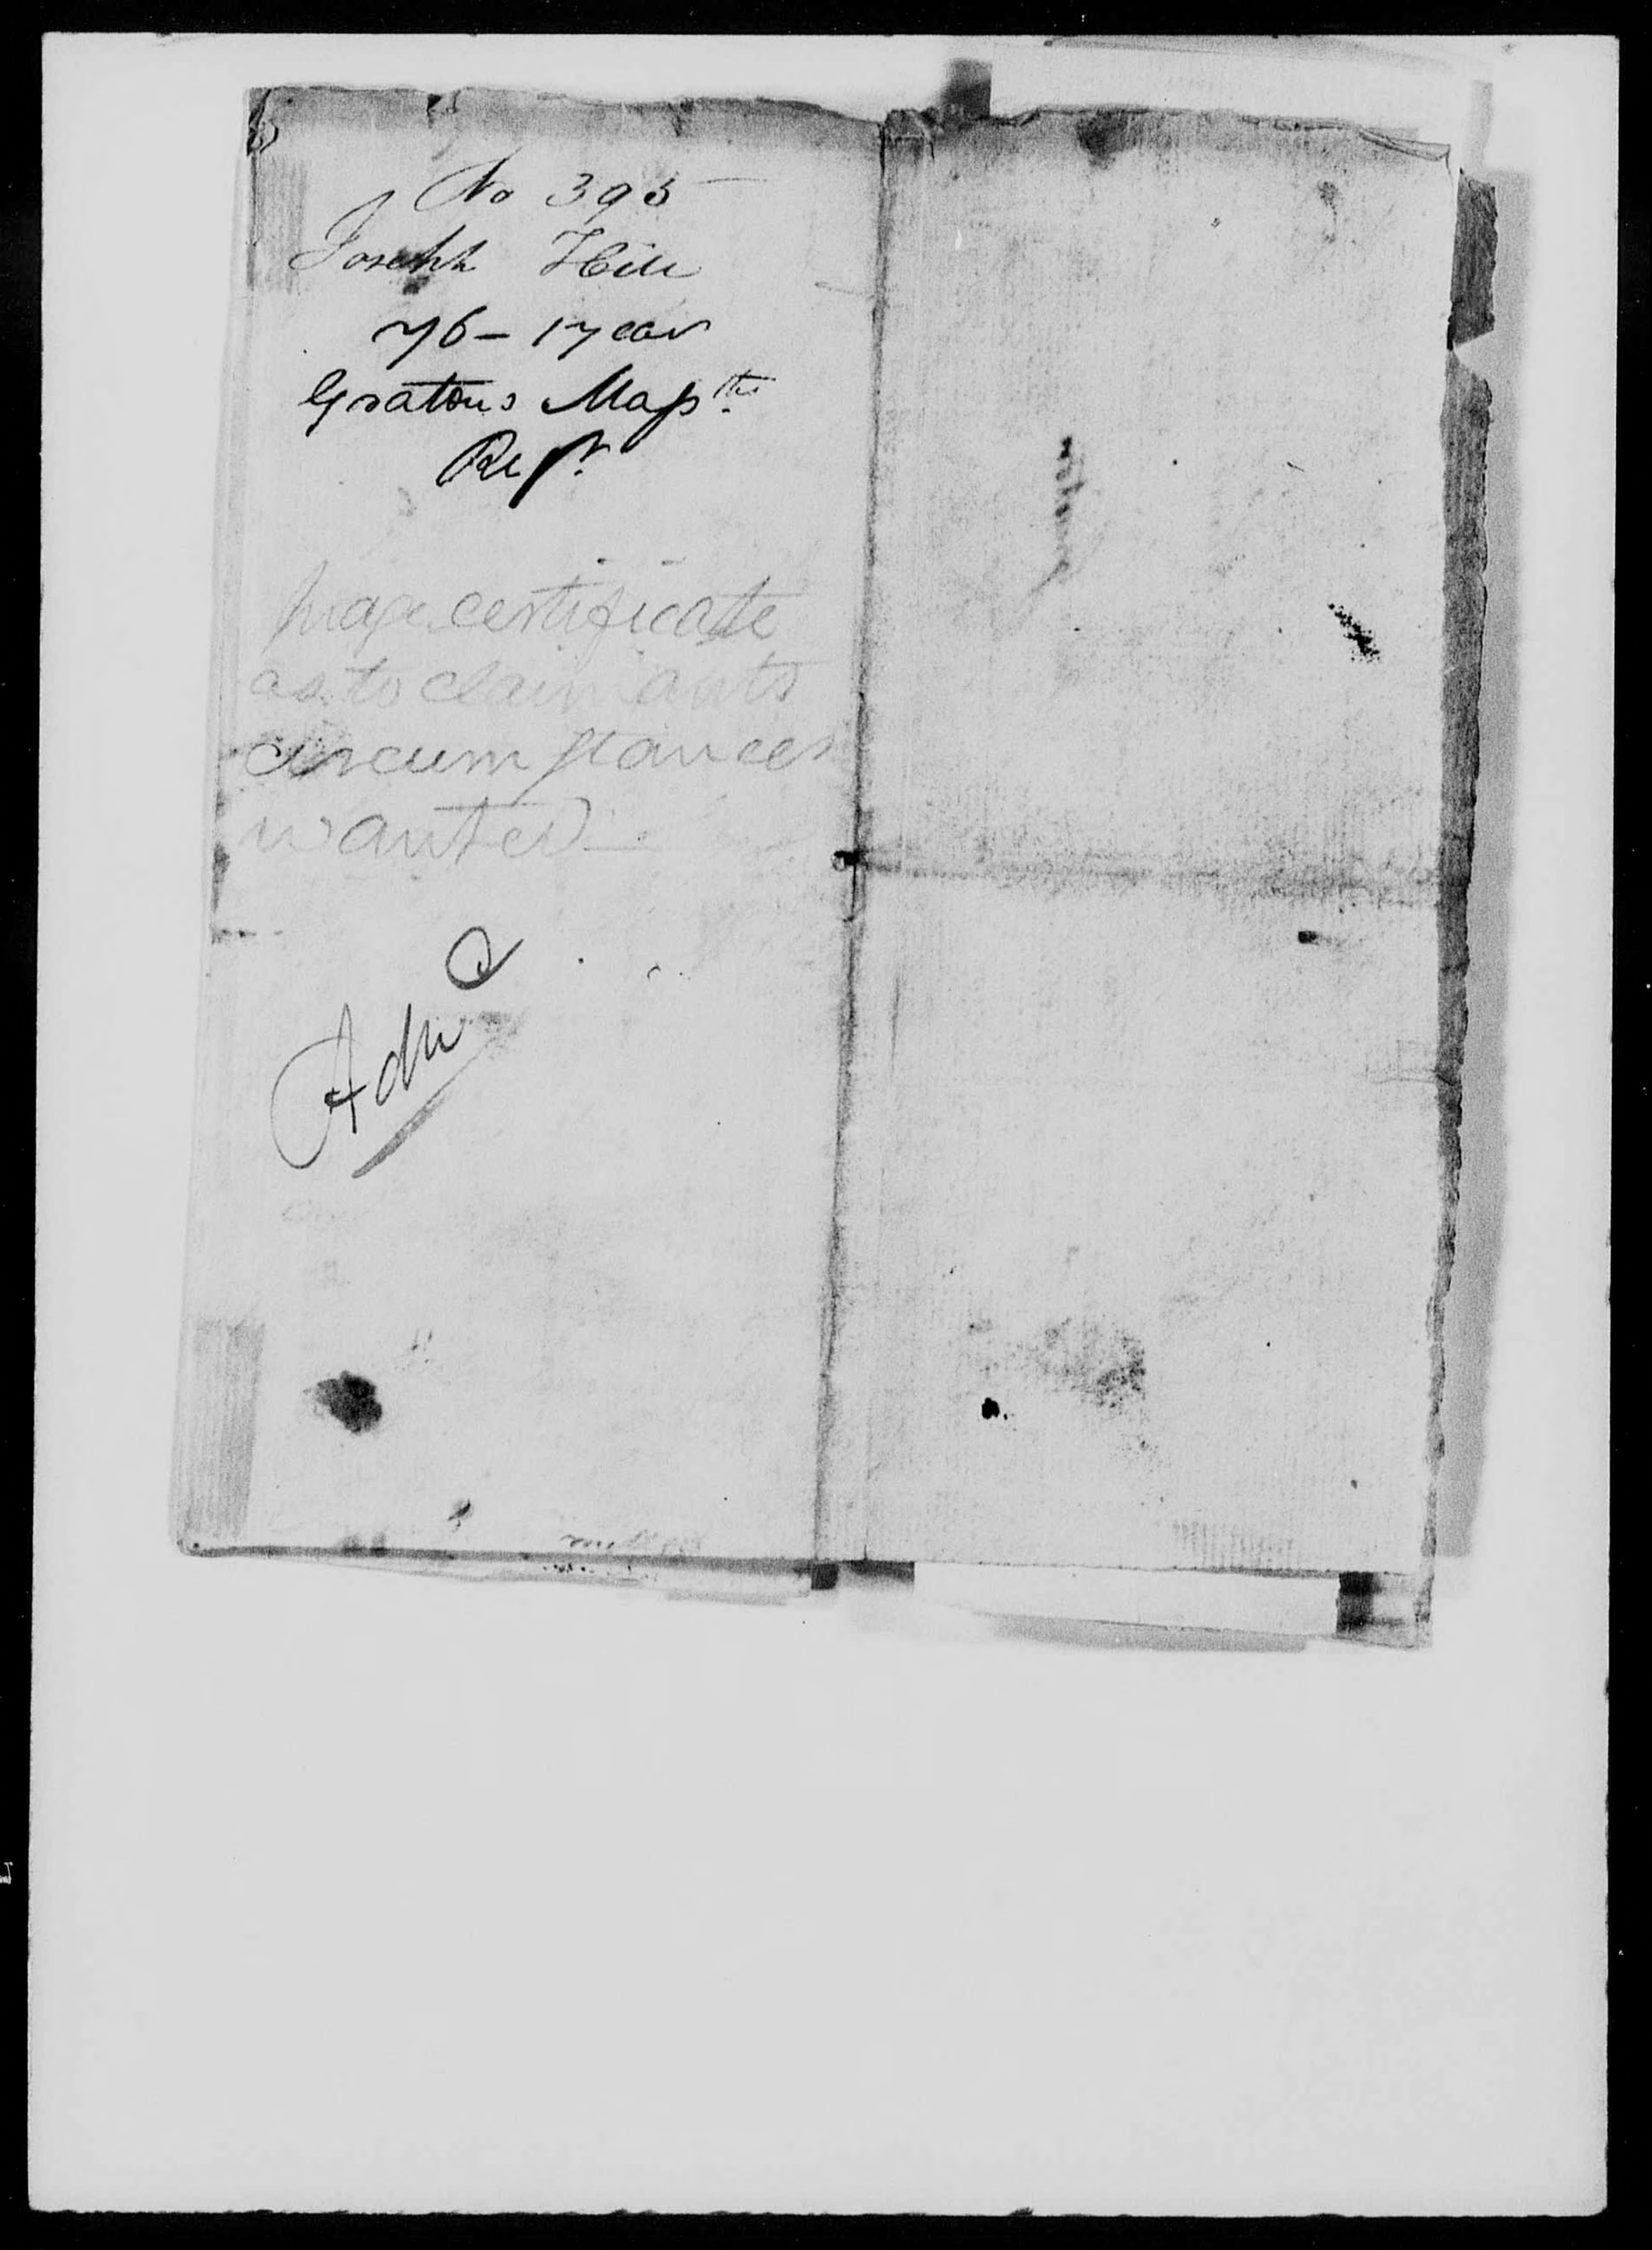No 395
Joseph Hill
76-1 year
Gratons Maj.ths
Regt.

Judge certificate as to claimants circumstances wanted

Admd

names: Joseph Hill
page: 11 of 14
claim: survivor's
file: S. 3,3303, Joseph Hill, Continental (Mass.)